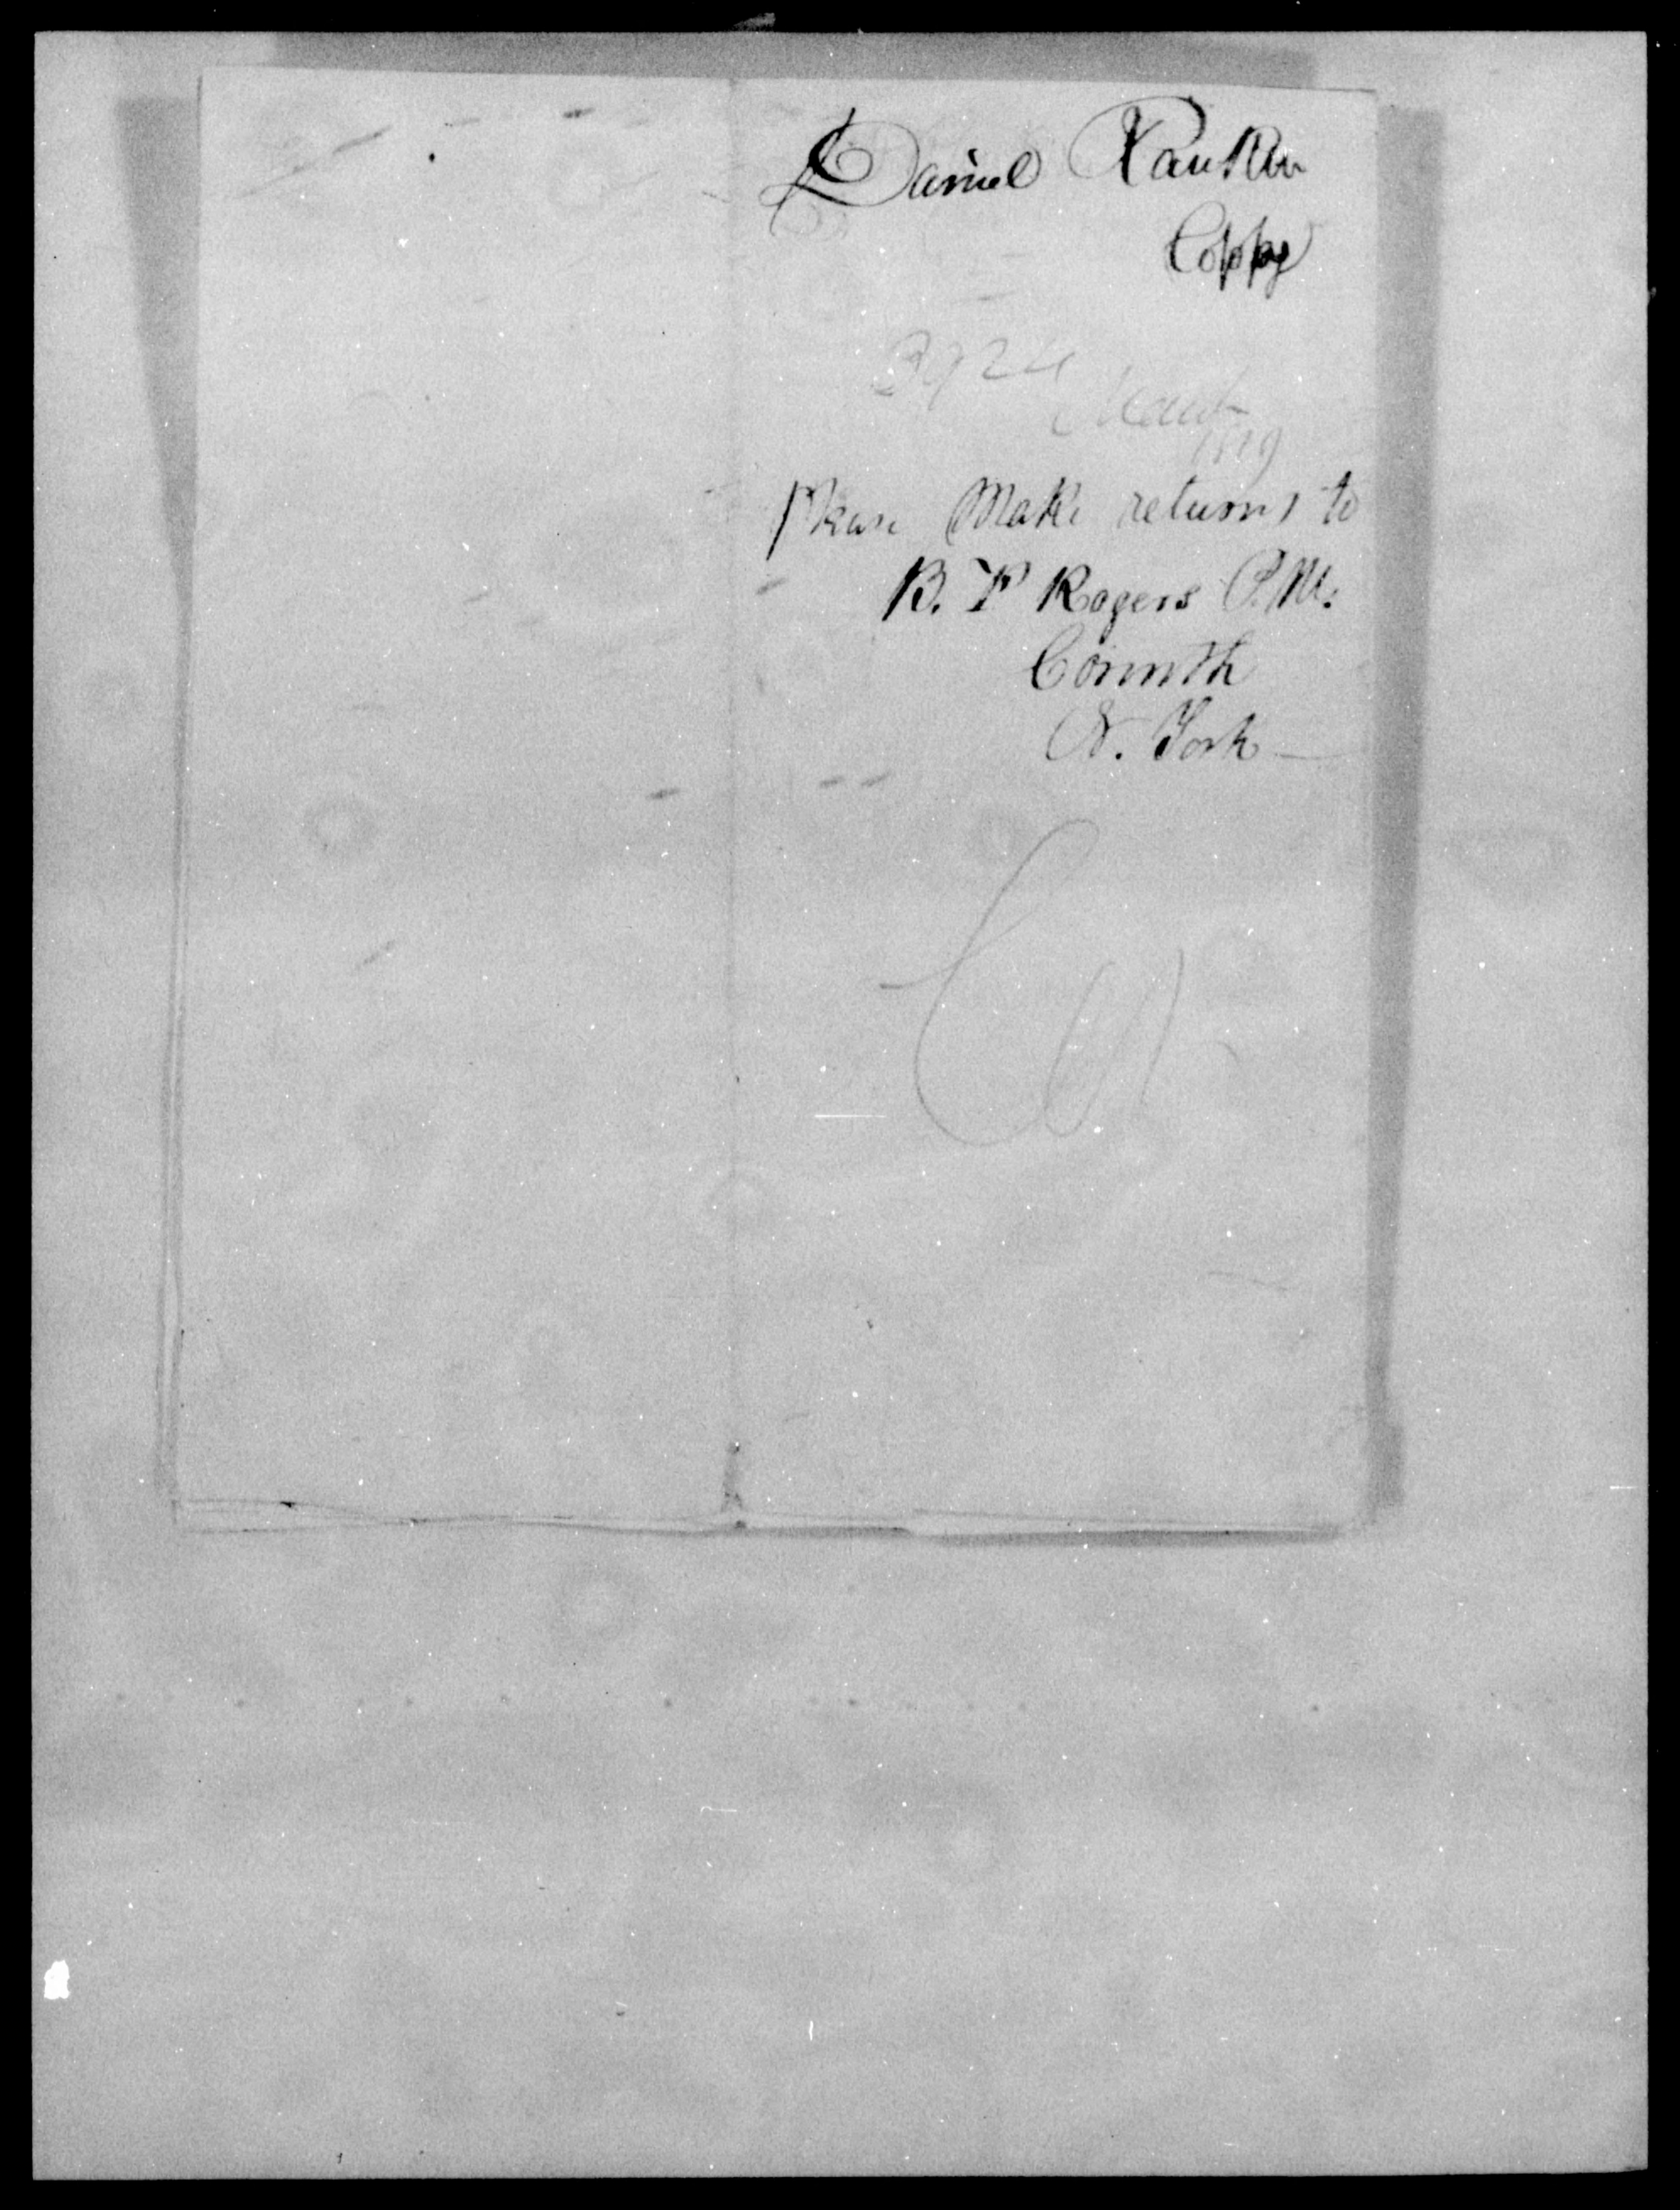Daniel Rankin Copy
Bg 24 March 1819

Please make return to 
B. P. Rogers P. M.
Corinth N. York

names: B P Rogers; Daniel Rankin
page: 11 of 27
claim: survivor's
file: S. 43897, for Daniel Rankin, New York